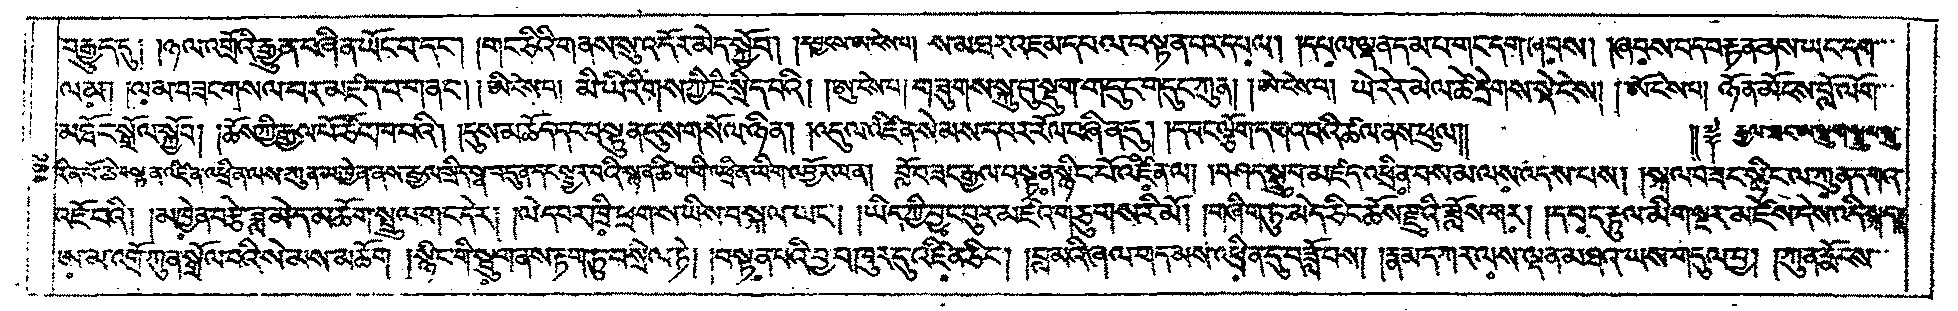བརྒྱུད་དུ། །ཉལ་འགྲོའི་རྒྱུན་བཞིན་ཡོང་བ་དང་། །གང་ཅིའི་གནས་སུ་འདོར་མེད་སྐྱོབ། ། དབྱངས་ཨ་ངེས་པ།  ས་མཐར་འཇམ་དཔལ་བསྟན་པར་དཔལ྾། །དཔལ྾་ལྡན་དམ་པ་གང་དག་ཞབས྾། །ཞབས྾་པད་བརྟན་ནས་ཡང་དག་
ལམ྾། །ལམ྾་བཟང་གསལ་བར་མཛད་པ་གནང་། ། ཨི་ངེས་པ།  མི་ཡི་རིགས་ཀྱི་ཇི་སྲིད་པའི། ། ཨུ་ངེས་པ།  གཟུགས་སྐུ་བུ་སྡུག་གདུང་གདུང་ཀུན། ། ཨེ་ངེས་པ།  ཡེ་རེར་མེལ་ཚེ་དྲེགས་སྡེ་ངེས། །ཨོ་ངེས་པ། ཉོན་མོངས་བློ་ལོག་
མཐོང་སྒྲོལ་སྐྱོབ། །ཆོས་ཀྱི་རྒྱལ་པོ་ཙོང་ཁ་པའི། །དུས་མཆོད་དང་བསྟུན་དུས་གསོལ་ཉིན། །འདུལ་འཛིན་སེམས་དཔར་རོལ་བཞིན་དུ། །དབང་ལྕོག་དགའ་བའི་ཚལ་ནས་ཕུལ།། །། ༈ རྒྱལ་ཐང་ཨ་སྦུག་སྤྲུལ་སྐུ་
རིན་པོ་ཆེ་བསྟན་འཛིན་འཕྲིན་ལས་ཀུན་མཁྱེན་ནས་རྒྱལ་སྲིད་སྣ་བདུན་དང་སྦྱར་བའི་སྙན་ཚིག་གི་འཕྲིན་ཡིག་འབྱོར་ལན། བློ་བཟང་རྒྱལ་བསྟན྾་སྙིང་པོ་འཛིན྾་ལ། །བཤད་སྒྲུབ་མཛད་འཕྲིན྾་བསམ་ལས྾་འདས་པས། །སྐལ་བཟང་སྙིང་ལ་ཀུན྾་དགའ་
འཇོ་བའི། །མཁྱེན྾་བརྩེ་ཟླ་མེད་མཆོག་སྤྲུལ་གང་དེར། །ལེ་དབར་ཁྲི྾་ཕྲག་ས་ཡིས་བསྐལ་ཡང་། །ཡིད་ཀྱི་བྱང྾་བུར་མཛའ་གཅུགས་རི་མོ། །གཞིག་ཏུ་མེད་ཅིང་ཆོས་རྫུའི་ཟློས་གར྾། །དབང྾་རྟུལ་མིག་སྔར་མཛེས་དེས་འདི་སྐད།།
ཨ྾་མ་འགྲོ་ཀུན་སྒྲོལ་བའི་སེམས་མཆོག །སྙིང་གི་སྦུག྾་ནས་རྟག་ཏུ་བསྲེལ་ཏེ། །བསྟན྾་པའི་བྱ་བ་ཁུར་དུ་འཛིན྾་ཅིང་། །བླ་མའི་ཨུཞལྒྡམས་འཕྲིན་དུ་བཟློ་བས། །རྣམ་དཀར་ལས་ལྡན་མཐའ་ཡས་གདུལ་བྱ། །ཀུན་རྨོངས་